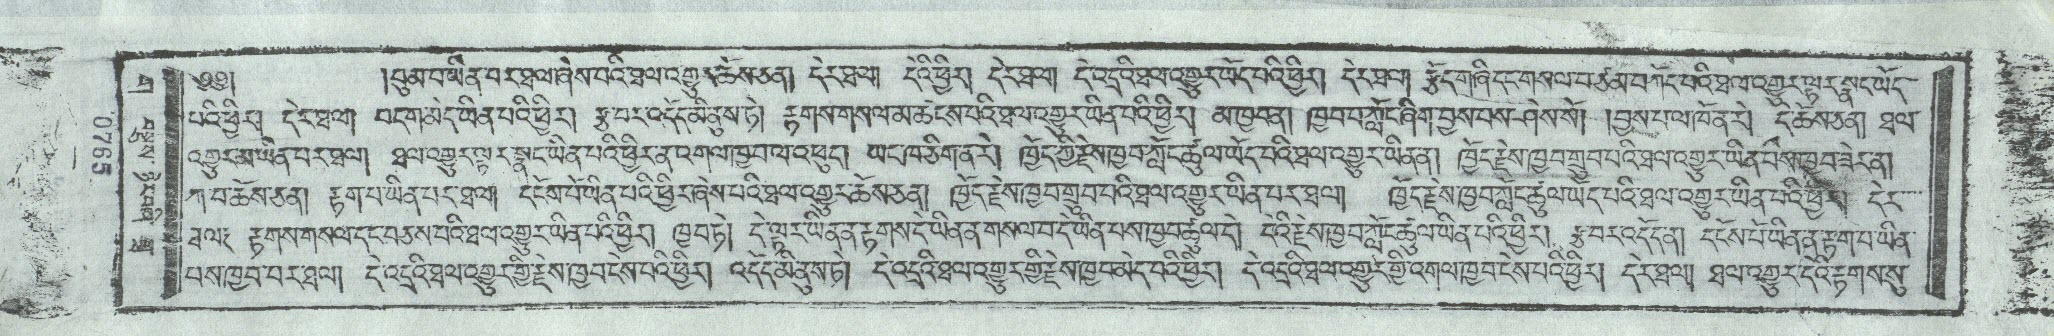༄༅། །བུམ་པ་ཡིན་པར་ཐལ་ཞེས་པའི་ཐལ་འགྱུར་ཆོས་ཅན། དེར་ཐལ། དེའི་ཕྱིར། དེར་ཐལ། དེ་འདྲའི་ཐལ་འགྱུར་ཡོད་པའི་ཕྱིར། དེར་ཐལ། རྩོད་གཞི་དང་གསལ་བ་ཙམ་བཀོད་པའི་ཐལ་འགྱུར་ལྟར་སྣང་ཡོད་
པའི་ཕྱིར། དེར་ཐལ། བདག་མེད་ཡིན་པའི་ཕྱིར། རྩ་བར་འདོད་མི་ནུས་ཏེ། རྟགས་གསལ་མ་ཚངས་པའི་ཐལ་འགྱུར་ཡིན་པའི་ཕྱིར། མ་ཁྱབ་ན། ཁྱབ་པ་ཀློང་ཞིག་བྱས་པས་ཤེས་སོ། །བྱས་པ་ལ་ཁོ་ན་རེ། དེ་ཆོས་ཅན། ཐལ་
འགྱུར་མ་ཡིན་པར་ཐལ། ཐལ་འགྱུར་ལྟར་སྣང་ཡིན་པའི་ཕྱིར་ན་འགལ་ཁྱབ་ལ་འཕུད། ཡང་ཁ་ཅིག་ན་རེ། ཁྱོད་ཀྱི་རྗེས་ཁྱབ་ཀློང་ཚུལ་ཡོད་པའི་ཐལ་འགྱུར་ཡིན་ན། ཁྱོད་རྗེས་ཁྱབ་གྲུབ་པའི་ཐལ་འགྱུར་ཡིན་པས་ཁྱབ་ཟེར་ན།
ཀ་བ་ཆོས་ཅན། རྟག་པ་ཡིན་པར་ཐལ། དངོས་པོ་ཡིན་པའི་ཕྱིར་ཞེས་པའི་ཐལ་འགྱུར་ཆོས་ཅན། ཁྱོད་རྗེས་ཁྱབ་གྲུབ་པའི་ཐལ་འགྱུར་ཡིན་པར་ཐལ། ཁྱོད་རྗེས་ཁྱབ་ཀློང་ཚུལ་ཡོད་པའི་ཐལ་འགྱུར་ཡིན་པའི་ཕྱིར། དེར་
ཐལ༑ རྟགས་གསལ་དང་བཅས་པའི་ཐལ་འགྱུར་ཡིན་པའི་ཕྱིར། ཁྱབ་ཏེ། དེ་ལྟར་ཡིན་ན་རྟགས་དེ་ཡིན་ན་གསལ་བ་དེ་ཡིན་པས་ཁྱབ་ཚུལ་དེ། དེའི་རྗེས་ཁྱབ་ཀློང་ཚུལ་ཡིན་པའི་ཕྱིར། རྩ་བར་འདོད་ན། དངོས་པོ་ཡིན་ན་རྟག་པ་ཡིན་
པས་ཁྱབ་པར་ཐལ། དེ་འདྲའི་ཐལ་འགྱུར་གྱི་རྗེས་ཁྱབ་ངེས་པའི་ཕྱིར། འདོད་མི་ནུས་ཏེ། དེ་འདྲའི་ཐལ་འགྱུར་གྱི་རྗེས་ཁྱབ་མེད་པའི་ཕྱིར། དེ་འདྲའི་ཐལ་འགྱུར་གྱི་འགལ་ཁྱབ་ངེས་པའི་ཕྱིར། དེར་ཐལ། ཐལ་འགྱུར་དེའི་རྟགས་སུ་